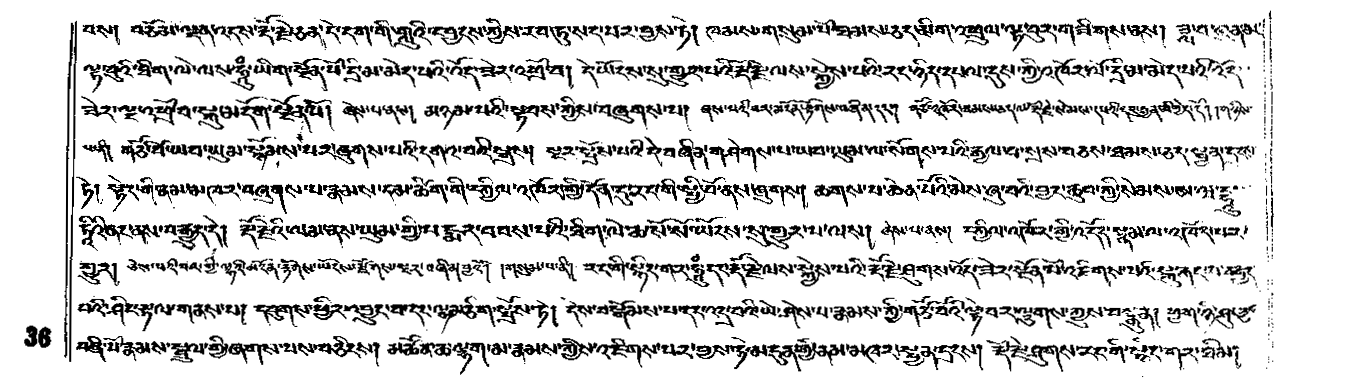བས། བཅོམ་ལྡན་འདས་རྡོ་རྗེ་ཅན་དེ་དག་གི་གླུའི་དབྱངས་ཀྱིས་རབ་ཏུ་སད་པར་བྱས་ཏེ། ཁམས་གསུམ་པོ་ཐམས་ཅད་མིག་འཕྲུལ་ལྟ་བུར་གཟིགས་ནས། ཟླ་བ་ཞུན་མ་
ལྟ་བུའི་ཐིག་ལེ་ལས་ཧཱུཾ་ཡིག་སྔོན་པོ་དྲི་མ་མེད་པའི་འོད་ཟེར་འཕྲོ་བ། དེ་ཡོངས་སུ་གྱུར་པའི་རྡོ་རྗེ་ལས་སྐྱེས་པའི་རང་ཉིད་དཔལ་དུས་ཀྱི་འཁོར་ལོ་དྲི་མ་མེད་པའི་འོད་
ཟེར་ལྔ་འཕྲོ་བ་སྐུ་མདོག་སྔོན་པོ། ཞེས་པ་ནས།  མཉམ་པའི་སྟབས་ཀྱིས་བཞུགས་པ། ཞས་པའི་བར་མངོན་རྟོགས་བཞིན་དང༑ གཙོ་འཁོར་ཐམས་ཅད་ལ་རྡོ་རྗེ་སེམས་དཔའི་དབུ་རྒྱན་མི་བྱེད་དོ། །གཉིས་
ཡིན། གཙོ་བོ་ཡབ་ཡུམ་སྙོམས་པར་ཞུགས་པའི་དགའ་བའི་སྒྲས། སྔར་སྤྲོས་པའི་དེ་བཞིན་གཤེགས་པ་ཡབ་ཡུམ་ལ་སོགས་པའི་རྒྱལ་བ་སྲས་བཅས་ཐམས་ཅད་སྤྱན་དྲངས་
ཏེ། སྟེང་གི་ནམ་མཁར་བཞུགས་པ་རྣམས་དམ་ཚིག་གི་དཀྱིལ་འཁོར་གྱི་དོན་དུ་རང་གི་སྤྱི་བོ་ནས་ཞུགས། ཆགས་པ་ཆེན་པོའི་མེས་ཞུ་བའི་བྱང་ཆུབ་ཀྱི་སེམས་ཨ་ལྭ་དྷཱུ་
ཏཱིའི་ནང་ནས་བརྒྱུད་དེ། རྡོ་རྗེའི་ལམ་ནས་ཡུམ་གྱི་པདམར་བབས་པའི་ཐིག་ལེ་ཆ་སོ་སོ་ཡོངས་སུ་གྱུར་པ་ལས། ཞེས་པ་ནས།  དཀྱིལ་འཁོར་གྱི་འདོད་སྣམ་ལ་འཁོར་པར་
གྱུར། ཅེས་པའི་བར་གྱི་ལྷའི་མངོན་རྟོགས་ཡོངས་རྫོགས་སྔར་བཞིན་བྱའོ། །གསུམ་པ་ནི།  རང་གི་སྙིང་གར་ཧཱུཾ་དང་རྡོ་རྗེ་ལས་སྐྱེས་པའི་རྡོ་རྗེ་ཤུགས་འོད་ཟེར་སྔོན་པོ་འཇིགས་པའི་སྐུ་རྐང་པ་བརྒྱད་
པའི་ཤིང་རྟ་ལ་གནས་པ། དབུགས་ཕྱིར་འབྱུང་བ་དང་ལྷམ་ཅིག་སྤྲོས་ཏེ། དེས་བསྒོམས་པ་དང་འདྲ་བའི་ཡེ་ཤེས་པ་རྣམས་ཀྱི་གཙོ་བོའི་ལྟེ་བར་ལྕགས་ཀྱུས་བསྣུན། ཕྱག་ཉི་ཤུ་རྩ་
བཞི་པོ་རྣམས་སྤྲུལ་གྱི་ཞགས་པས་བཅིངས། མཚོན་ཆ་ལྷག་མ་རྣམས་ཀྱིས་འཇིགས་པར་བྱས་ཏེ་མདུན་གྱི་ནམ་མཁར་སྤྱན་དྲངས། རྡོ་རྗེ་ཤུགས་རང་གི་སྙིང་གར་ཐིམ།